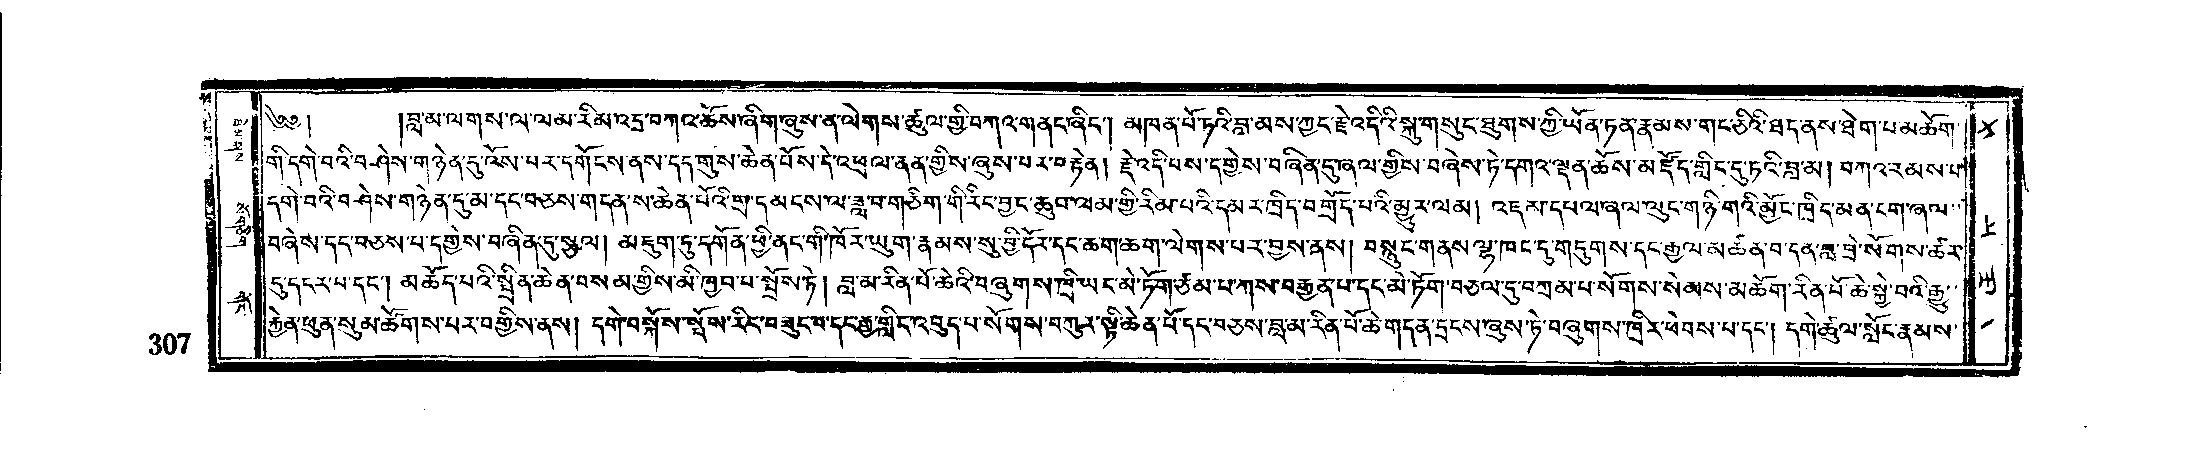༄༅། །བླ་མ་ལགས་ལ་ལམ་རིམ་འདྲ་བཀའ་ཆོས་ཞིག་ཞུས་ན་ལེགས་ཚུལ་གྱི་བཀའ་གནང་ཞིང་། མཁན་པོ་ཏའི་བླ་མས་ཀྱང་རྗེ་འདིའི་སྐུ་གསུང་ཐུགས་ཀྱི་ཡོན་ཏན་རྣམས་གང་ཅིའི་ཐད་ནས་ཐེག་པ་མཆོག་
གི་དགེ་བའི་བཤེས་གཉེན་དུ་འོས་པར་དགོངས་ནས་དད་གུས་ཆེན་པོས་དེ་འཕྲལ་ནན་གྱིས་ཞུས་པར་བརྟེན། རྗེ་འདི་པས་དགྱེས་བཞིན་དུ་ཞལ་གྱིས་བཞེས་ཏེ་དགའ་ལྡན་ཆོས་མཛོད་གླིང་དུ་ཏའི་བླ་མ། བཀའ་རམས་པ་
དགེ་བའི་བཤེས་གཉེན་དུ་མ་དང་བཅས་གདན་ས་ཆེན་པོའི་གྲ་དམངས་ལ་ཟླ་བ་གཅིག་གི་རིང་བྱང་ཆུབ་ལམ་གྱི་རིམ་པའི་དམར་ཁྲིད་བགྲོད་པའི་མྱུར་ལམ། འཇམ་དཔལ་ཞལ་ལུང་གཉི་གའི་མྱོང་ཁྲིད་མན་ངག་ཞལ་
བཞེས་དང་བཅས་པ་དགྱེས་བཞིན་དུ་སྩལ། མཇུག་ཏུ་དགོན་ཕྱི་ནང་གི་ཁོར་ཡུག་རྣམས་སུ་བྱི་དོར་དང་ཆག་ཆག་ལེགས་པར་བྱས་ནས། བསྙུང་གནས་ལྷ་ཁང་དུ་གདུགས་དང་རྒྱལ་མཚན་བ་དན་བླ་བྲེ་སོགས་ཚར་
དུ་དངར་པ་དང་། མཆོད་པའི་སྤྲིན་ཆེན་བསམ་གྱིས་མི་ཁྱབ་པ་སྤྲོས་ཏེ། བླ་མ་རིན་པོ་ཆེའི་བཞུགས་ཁྲི་ཡང་མེ་ཏོག་ཙམ་པ་ཀས་བརྒྱན་པ་དང་མེ་ཏོག་བཅལ་དུ་བཀྲམ་པ་སོགས་སེམས་མཆོག་རིན་པོ་ཆེ་སྐྱེ་བའི་རྒྱུ་
རྐྱེན་ཕུན་སུམ་ཚོགས་པར་བགྱིས་ནས། དགེ་བསྐོས་སྤོས་རིང་བཟུང་བ་དང་རྒྱ་གླིང་འབུད་པ་སོགས་བཀུར་སྟི་ཆེན་པོ་དང་བཅས་བླ་མ་རིན་པོ་ཆེ་གདན་དྲངས་ཞུས་ཏེ་བཞུགས་ཁྲིར་ཕེབས་པ་དང་། དགེ་ཚུལ་སློང་རྣམས་